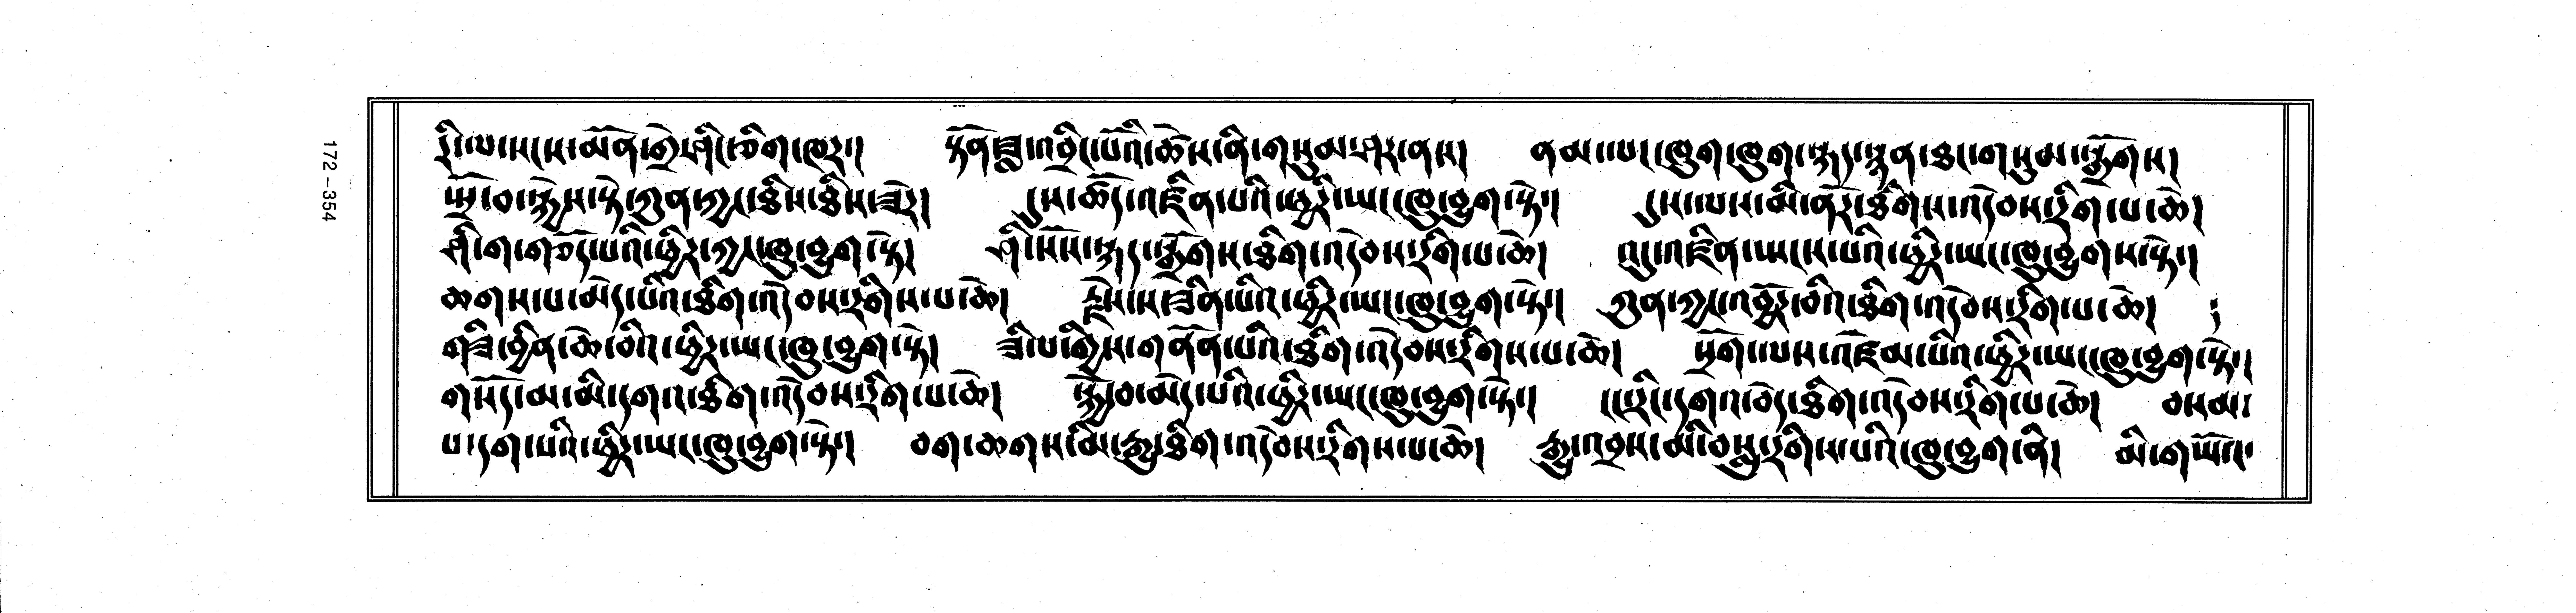རི་ལ་སངས་མོན་གྲེ་ཤིང་ཅིག་ཁར། སྟོན་ཟླ་འབྲིང་པོའི་ཚེས་ནི་གསུམ་ཤར་ནས། ནམ་ལང་ཁུག་ཁུག་སྐད་སྙན་ཐང་གསུམ་སྒྲོགས། 
སྤྲོ་བ་སྐྱེས་སྟེ་ཀུན་ཀྱང་ཐིས་ཐིས་ཟེར། དུས་ཚོད་འཛིན་པའི་ཕྱིར་ཡང་ཁུ་བྱུག་སྟེ། དུས་ལས་མི་ནོར་ཐིགས་འདེབས་རིག་པ་ཆེ། 
ཤི་ག་གཅོད་པའི་ཕྱིར་ཀྱང་ཁུ་བྱུག་སྟེ། ཤི་སོས་སྐད་སྒྲོགས་ཐིག་འདེབས་རིག་པ་ཆེ། འདུ་འཛིན་སྤངས་པའི་ཕྱིར་ཡང་ཁུ་བྱུག་སྟེ། 
ཆགས་པ་མེད་པའི་ཐིག་འདེབས་རིག་པ་ཆེ། རྗེས་ས་ཟིན་པའི་ཕྱིར་ཡང་ཁུ་བྱུག་སྟེ། ཀུན་ཀྱང་འབྱོར་བའི་ཐིག་འདེབས་རིག་པ་ཆེ། 
གཟི་བྱིན་ཆེ་བའི་ཕྱིར་ཡང་ཁུ་བྱུག་སྟེ། ཟིལ་གྱིས་གནོན་པའི་ཐིག་འདེབས་རིག་པ་ཆེ། སྲོག་ལས་འཛོམ་པའི་ཕྱིར་ཡང་ཁུ་བྱུག་སྟེ། 
གསོད་མ་མི་དགའ་ཐིག་འདེབས་རིག་པ་ཆེ། སྐྱེ་བ་མེད་པའི་ཕྱིར་ཡང་ཁུ་བྱུག་སྟེ། ངང་རིང་དགའ་བདེ་ཐིག་འདེབས་རིན་པ་ཆེ། བསམ་
པ་དག་པའི་ཕྱིར་ཡང་ཁུ་བྱུག་སྟེ། བག་ཆགས་མི་རྒྱུ་ཐིག་འདེབས་རིག་པ་ཆེ། རྒྱུ་འབྲས་མི་བསླུ་རིག་པའི་ཁུ་བྱུག་ནི། མི་གཡོའ་